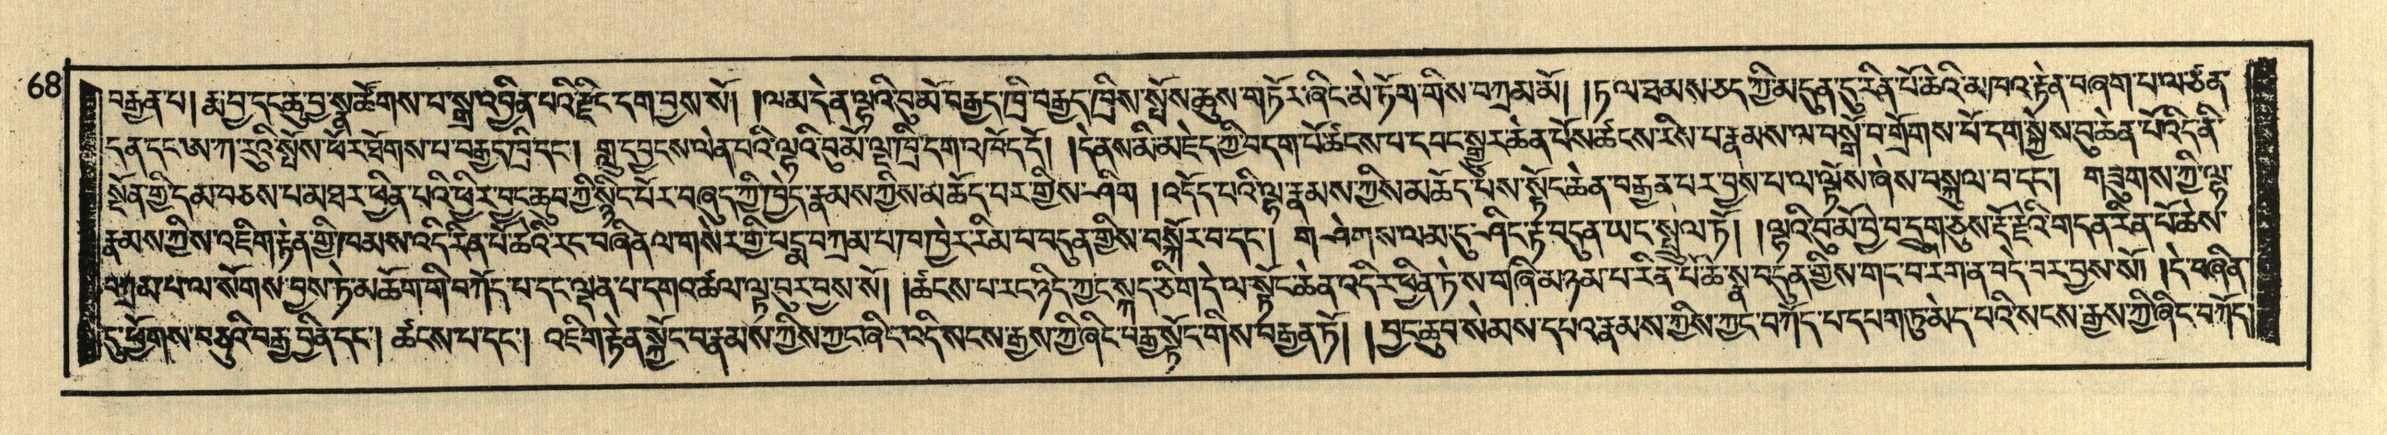བརྒྱན་པ། རྨ་བྱ་དང་ཆུ་བྱ་སྣ་ཚོགས་པ་སྒྲ་འབྱིན་པའི་རྫིང་དག་བྱས་སོ། །ལམ་དེ་ན་ལྷའི་བུ་མོ་བརྒྱད་ཁྲི་བརྒྱད་ཁྲིས་སྤོས་ཆུས་གཏོར་ཞིང་མེ་ཏོག་གིས་བཀྲམ་མོ། །ཏ་ལ་ཐམས་ཅད་ཀྱི་མདུན་དུ་རིན་པོ་ཆེའི་མཁའ་རྟེན་བཞག་པ་ལ་ཙན་
དན་དང་ཨ་ཀ་རུའི་སྤོས་ཕོར་ཐོགས་པ་བརྒྱད་ཁྲི་དང་། གླུ་དབྱངས་ལེན་པའི་ལྷའི་བུ་མོ་ལྔ་ཁྲི་དག་འཁོད་དོ། །དེ་ནས་མི་མཇེད་ཀྱི་བདག་པོ་ཚངས་པ་དབང་བསྒྱུར་ཆེན་པོས་ཚངས་རིས་པ་རྣམས་ལ་བསྒོ་བ་གྲོགས་པོ་དག་སྐྱེས་བུ་ཆེན་པོ་འདི་ནི་
སྔོན་གྱི་དམ་བཅས་པ་མཐར་ཕྱིན་པའི་ཕྱིར་བྱང་ཆུབ་ཀྱི་སྙིང་པོར་བཞུད་ཀྱི་ཁྱེད་རྣམས་ཀྱིས་མཆོད་པར་གྱིས་ཤིག །འདོད་པའི་ལྷ་རྣམས་ཀྱིས་མཆོད་པས་སྟོང་ཆེན་བརྒྱན་པར་བྱས་པ་ལ་ལྟོས་ཞེས་བསྐུལ་བ་དང་། གཟུགས་ཀྱི་ལྷ་
རྣམས་ཀྱིས་འཇིག་རྟེན་གྱི་ཁམས་འདི་རིན་པོ་ཆེའི་རང་བཞིན་ལ་གསེར་གྱི་པདམ་བཀྲམ་པ་ཁ་ཁྱེར་རིམ་པ་བདུན་གྱིས་བསྐོར་བ་དང་། གཤེགས་ལམ་དུ་ཤིང་རྟ་བདུན་ཡང་སྤྲུལ་ཏོ། །ལྷའི་བུ་མོ་བྱེ་བ་དྲུག་ཅུས་རྡོ་རྗེའི་གདན་རིན་པོ་ཆེས་
བཀྲམ་པ་ལ་སོགས་བྱས་ཏེ་མཆོག་གི་བཀོད་པ་དང་ལྡན་པ་དགའ་ཚལ་ལྟ་བུར་བྱས་སོ། །ཚངས་པ་རང་ཉིད་ཀྱང་སྐད་ཅིག་དེ་ལ་སྟོང་ཆེན་འདིར་ཕྱིན་ཏེ་ས་གཞི་མཉམ་པ་རིན་པོ་ཆེ་སྣ་བདུན་གྱིས་གང་བ་རག་ན་བདེ་བར་བྱས་སོ། །དེ་བཞིན་
དུ་ཕྱོགས་བཅུའི་བརྒྱ་བྱིན་དང་། ཚངས་པ་དང་། འཇིག་རྟེན་སྐྱོང་བ་རྣམས་ཀྱིས་ཀྱང་ཞིང་འདི་སངས་རྒྱས་ཀྱི་ཞིང་བརྒྱ་སྟོང་གིས་བརྒྱན་ཏོ། །བྱང་ཆུབ་སེམས་དཔའ་རྣམས་ཀྱིས་ཀྱང་བཀོད་པ་དཔག་ཏུ་མེད་པའི་སངས་རྒྱས་ཀྱི་ཞིང་བཀོད་